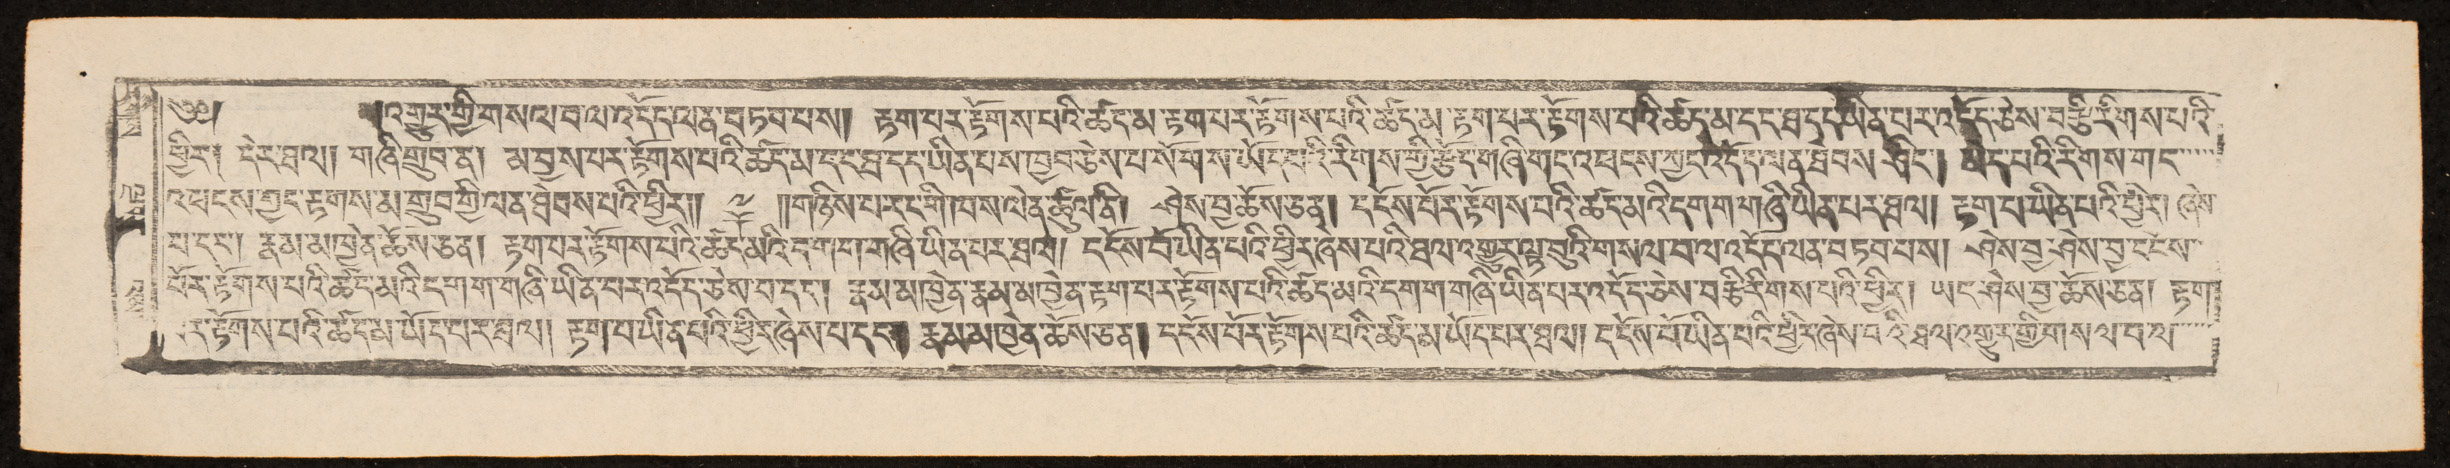༄༅། །འགྱུར་གྱི་གསལ་བ་ལ་འདོད་ལན་བཏབ་པས། རྟག་པར་རྟོགས་པའི་ཚད་མ་རྟག་པར་རྟོགས་པའི་ཚད་མ་རྟག་པར་རྟོགས་པའི་ཚད་མ་དང་ཐ་དད་ཡིན་པར་འདོད་ཅེས་བརྩི་རིགས་པའི་
ཕྱིར། དེར་ཐལ། གཞི་གྲུབ་ན། མ་བྱས་པར་རྟོགས་པའི་ཚད་མ་དང་ཐ་དད་ཡིན་པས་ཁྱབ་ཅེས་པ་སོགས་ཡོད་པའི་རིགས་ཀྱི་རྩོད་གཞི་གང་འཕངས་ཀྱང་འདོད་ལན་ཐེབས་ཤིང་། མེད་པའི་རིགས་གང་
འཕངས་ཀྱང་རྟགས་མ་གྲུབ་ཀྱི་ལན་ཐེབས་པའི་ཕྱིར།། ~་།།གཉིས་པ་རང་གི་ཁས་ལེན་ཚུལ་ནི། ཤེས་བྱ་ཆོས་ཅན། དངོས་པོར་རྟོགས་པའི་ཚད་མའི་དགག་གཞི་ཡིན་པར་ཐལ། རྟག་པ་ཡིན་པའི་ཕྱིར། ཞེས་
པ་དང་། རྣམ་མཁྱེན་ཆོས་ཅན། རྟག་པར་རྟོགས་པའི་ཚད་མའི་དགག་གཞི་ཡིན་པར་ཐལ། དངོས་པོ་ཡིན་པའི་ཕྱིར་ཞེས་པའི་ཐལ་འགྱུར་ལྟ་བུའི་གསལ་བ་ལ་འདོད་ལན་བཏབ་པས། ཤེས་བྱ་ཤེས་བྱ་དངོས་
པོར་རྟོགས་པའི་ཚད་མའི་དགག་གཞི་ཡིན་པར་འདོད་ཅེས་པ་དང་། རྣམ་མཁྱེན་རྣམ་མཁྱེན་རྟག་པར་རྟོགས་པའི་ཚད་མའི་དགག་གཞི་ཡིན་པར་འདོད་ཅེས་བརྩི་རིགས་པའི་ཕྱིར། ཡང་ཤེས་བྱ་ཆོས་ཅན། རྟག་
པར་རྟོགས་པའི་ཚད་མ་ཡོད་པར་ཐལ། རྟག་པ་ཡིན་པའི་ཕྱིར་ཞེས་པ་དང་། རྣམ་མཁྱེན་ཆོས་ཅན། དངོས་པོར་རྟོགས་པའི་ཚད་མ་ཡོད་པར་ཐལ། དངོས་པོ་ཡིན་པའི་ཕྱིར་ཞེས་པའི་ཐལ་འགྱུར་གྱི་གསལ་བ་ལ་